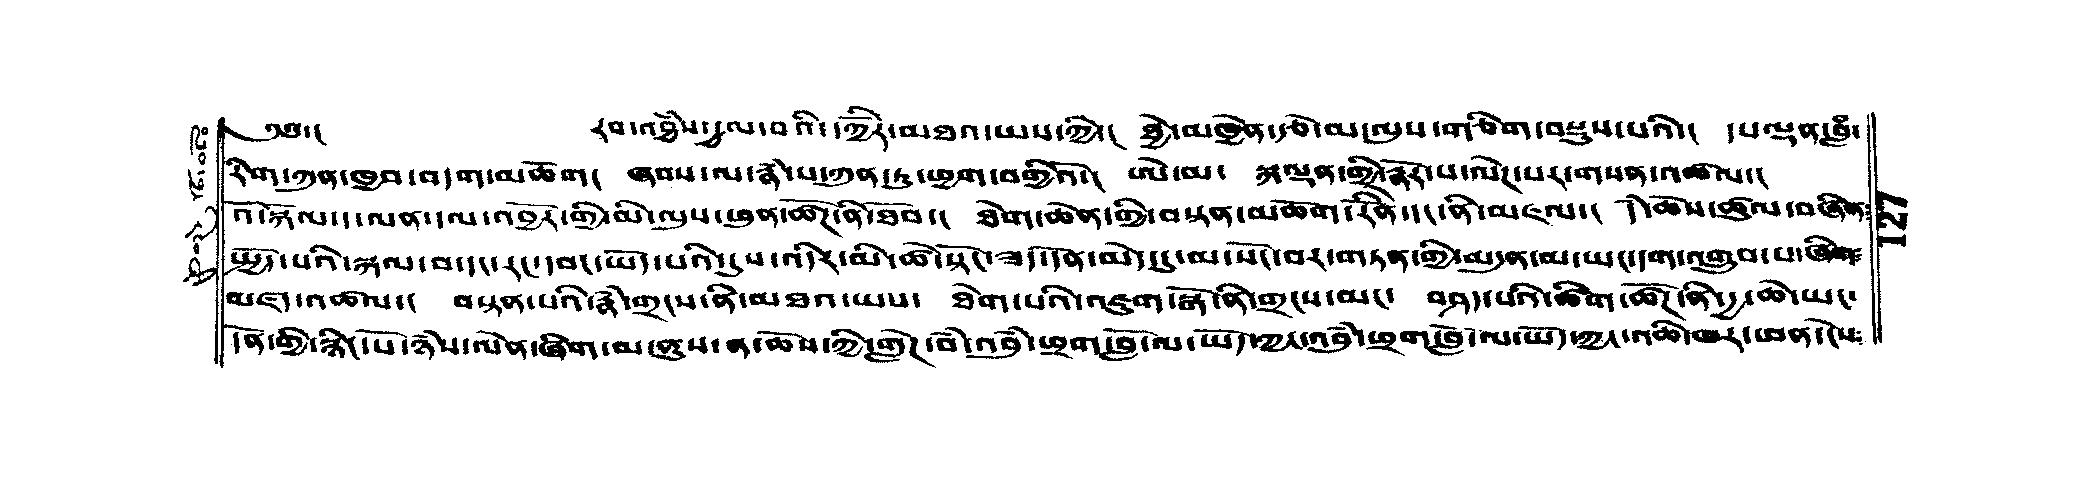༈ རབ་འབྱམས་རྒྱལ་བའི་དཀྱིལ་འཁོར་མཐའ་ཡས་ཀྱི། །ཐུགས་རྗེ་མཁྱེན་བརྩེ་མ་ལུས་གཅིག་བསྡུས་པའི། །དཔལ་ལྡན་བླ་མ་
རིགས་ཀུན་ཁྱབ་བདག་མཆོག།ཞབས་ལ་རྣམ་པ་ཀུན་ཏུ་ཕྱག་བགྱིའོ། ཨེ་མ། སྐལ་ལྡན་གྱི་རྣལ་འབྱོར་པ་ལེགས་པར་གསན་འཚལ། །
འོ་སྐོལ་ད་ལན་དལ་འབྱོར་གྱི་མི་ལུས་ཕུན་ཚོགས་ནི་ཐོབ། །ཐེག་ཆེན་གྱི་བསྟན་མཆོག་རིན་ཆེན་དང་ནི་མཇལ། །དམ་ཆོས་ཚུལ་བཞིན་
སྤྱོད་པའི་སྐལ་བ་དང་རང་དབང་ཡོད་པའི་དུས་འདིར་མི་ཚེ་སྟཽང་ཟད་དོན་མེད་དུ་མ་སོང་བར་གཏན་གྱི་འདུན་མ་ཡང་དག་འགྲུབ་པ་ཞིག་
མཛད་འཚལ། བསྟན་པའི་རྣམ་གྲངས་ནི་མཐའ་ཡས། ཐེག་པའི་འཇུག་སྒོ་ནི་གྲངས་མང་། བཤད་པའི་ཚིག་ཚོགས་ནི་རྒྱ་ཆེ་ཡང་
དོན་གྱི་སྙིང་པོ་ཉམས་ལེན་ཞིག་མ་ནུས་ན་ཆོས་ཀྱི་གླེག་བམ་འབུམ་ཕྲག་བློ་ལ་ཡོད་ཀྱང་འཆི་ཁར་ཕན་ངེས་